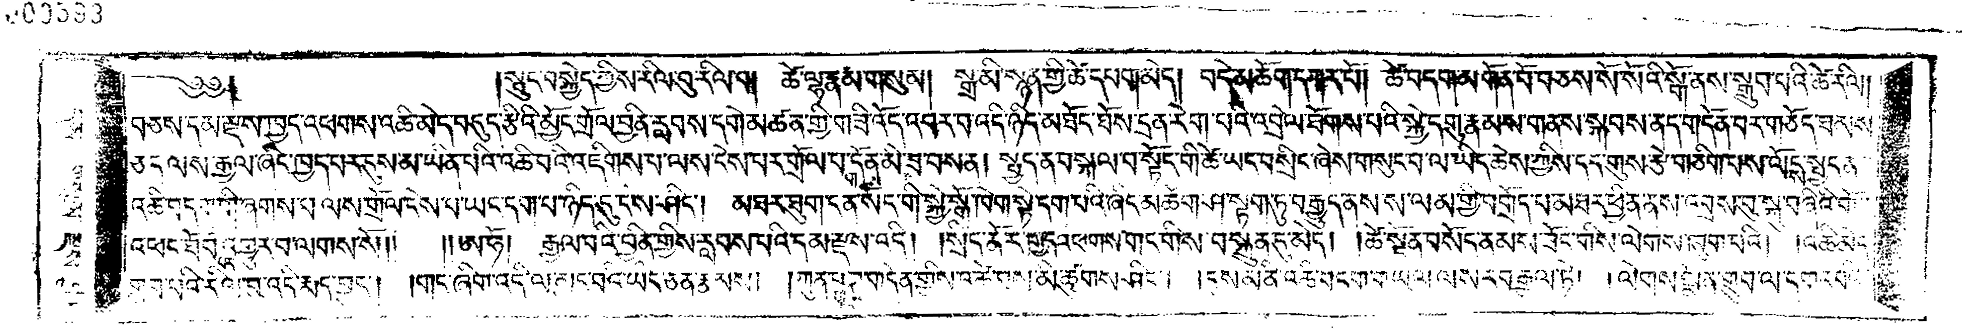༄༅། །སྤུང་བསྐྱེད་ཀྱིས་རིལ་བུ་རིལ་བ། ཚེ་ལྷ་རྣམ་གསུམ། སྒྲ་མི་སྙན་གྱི་ཚེ་དཔག་མེད། བདེ་མཆོག་དཀར་པོ། ཚེ་བདག་མགོན་པོ་བཅས་སོ་སོའི་སྒོ་ནས་སྒྲུབ་པའི་ཚེ་རིལ།
བཅས་དམ་རྫས་ཁྱད་འཕགས་འཆི་མེད་བདུད་རྩིའི་མྱོང་གྲོལ་བྱིན་རླབས་དགེ་མཚན་གྱི་གཟི་འོད་འབར་བ་འདི་ཉིད་མཐོང་ཐོས་དྲན་རེག་པའི་འབྲེལ་ཐོགས་པའི་སྐྱེ་དགུ་རྣམས་གནས་སྐབས་ནད་གདོན་པར་གཅོད་ཐམས་
ཅད་ལས་རྒྱལ་ཞིང་ཁྱད་པར་དུས་མ་ཡིན་པའི་འཆི་བའི་འཇིགས་པ་ལས་ངེས་པར་གྲོལ་པ་གདོན་མི་ཟ་བས་ན། སྤྱད་ན་བསྐལ་བ་སྟོང་གི་ཚེ་ཡང་བསྲིང་ཞེས་གསུང་བ་ལ་ཡིད་ཆེས་ཀྱིས་དད་གུས་རྩེ་གཅིག་པས་ལོངས་སྤྱད་ན་
འཆི་བདག་གི་ཞགས་པ་ལས་གྲོལ་ངེས་པ་ཡང་དག་པ་ཉིད་དུ་ངེས་ཤིང་། མཐར་ཐུག་ངན་སོང་གི་སྐྱེ་སྒོ་ཁེག་སྟེ་དག་པའི་ཞིང་མཆོག་ཤ་སྟག་ཏུ་བརྒྱུད་ནས་ས་ལམ་གྱི་བགྲོད་པ་མཐར་ཕྱིན་ནས་འབྲས་བུ་སྐུ་བཞིའི་གོ་
འཕང་ཐོབ་པར་འགྱུར་བ་ལགས་སོ།། །།ཨ་ཧོ། རྒྱལ་བའི་བྱིན་གྱིས་རླབས་པའི་དམ་རྫས་འདི། །སྲིད་ནོར་ཁྱད་འཕགས་གང་གིས་བསྐྲུན་དུ་མེད། །ཚེ་སྔོན་བསོད་ནམས་ཟོང་གིས་ལེགས་ཁུག་པའི། །འཆི་མེད་
གྲུབ་པའི་རིལ་བུ་འདི་རྨད་བྱུང་། །གང་ཞིག་འདི་ལ་མྱང་བའི་ཡིད་ཅན་རྣམས། །ཀུན་བཏགས་གདོན་གྱིས་འཚེ་བས་མི་ཚུགས་ཤིང་། །དུས་མིན་འཆི་བདག་གཡུལ་ལས་རབ་རྒྱལ་ཏེ། །ལེགས་སྨོན་གྲུབ་ལ་དགའ་བའི་